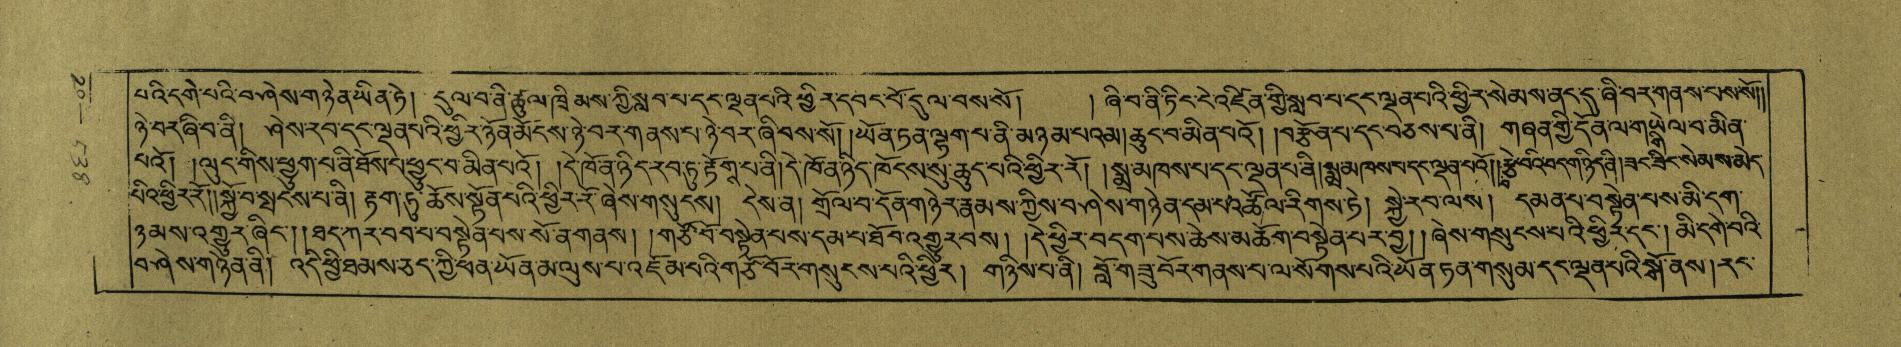པའི་དགེ་པའི་བཤེས་གཉེན་ཡིན་ཏེ། དུལ་བ་ནི་ཚུལ་ཁྲིམས་ཀྱི་སླབ་པ་དང་ལྡན་པའི་ཕྱིར་དབང་པོ་དུལ་བས་སོ། །ཞི་བ་ནི་ཏིང་ངེ་འཛིན་གྱི་སླབ་པ་དང་ལྡན་པའི་ཕྱིར་སེམས་ནང་དུ་ཞི་བར་གནས་པས་སོ།།
ཉེ་བར་ཞི་བ་ནི། ཤེས་རབ་དང་ལྡན་པའི་ཕྱིར་ཉོན་མོངས་ཉེ་བར་གནས་པ་ཉེ་བར་ཞི་བས་སོ། །ཡོན་ཏན་ལྷག་པ་ནི་མཉམ་པའམ། ཆུང་བ་མིན་པའོ། །བརྩོན་པ་དང་བཅས་པ་ནི། གཞན་གྱི་དོན་ལ་གཡེལ་གི་བ་མིན་
པའོ། །ལུང་གིས་ཕྱུག་པ་ནི་ཐོས་པ་ཕྱུང་བ་མིན་པའོ། །དེ་ཁོ་ན་ཉིད་རབ་ཏུ་རྟོགས་པ་ནི། །དེ་ཁོ་ན་ཉིད་ཁོངས་སུ་ཆུད་པའི་ཕྱིར་རོ། །སྨྲ་མཁས་པ་དང་ལྡན་པ་ནི། སྨྲ་མཁས་པ་དང་ལྡན་པའོ། བ་རྩ་བའི་བདག་ཉིད་ནི་།ཟང་ཟིང་སེམས་མེད་
པའི་ཕྱིར་རོ། །སྐྱོ་བ་སྤངས་པ་ནི། རྟག་ཏུ་ཆོས་སྟོན་པའི་ཕྱིར་རོ་ཞེས་གསུངས། དེས་ན། གྲོལ་བ་དོན་གཉེར་རྣམས་ཀྱིས་བཤེས་གཉེན་དམ་པ་འཚོལ་རིགས་ཏེ། སྐྱེ་རབ་ལས། དམན་པ་བསྟེན་པས་མི་དག་
ཉམས་འགྱུར་ཞིང་། །ཐད་ཀར་བབ་པ་བསྟེན་པས་སོ་ན་གནས། །གཙོ་བོ་བསྟེན་པས་དམ་པ་ཐོབ་འགྱུར་བས། །དེ་ཕྱིར་བདག་པས་ཆེས་མཆོག་བསྟེན་པར་བྱ། །ཞེས་གསུངས་པའི་ཕྱིར་དང་། མི་དགེ་བའི་
བཤེས་གཉེན་ནི། འདི་ཕྱི་ཐམས་ཅད་ཀྱི་ཕན་ཡོན་མ་ལུས་པ་འཇོམ་པའི་གཙོ་བོར་གསུངས་པའི་ཕྱིར། གཉིས་པ་ནི། བློ་གཟུ་བོར་གནས་པ་ལ་སོགས་པའི་ཡོན་ཏན་གསུམ་དང་ལྡན་པའི་སྒོ་ནས། རང་